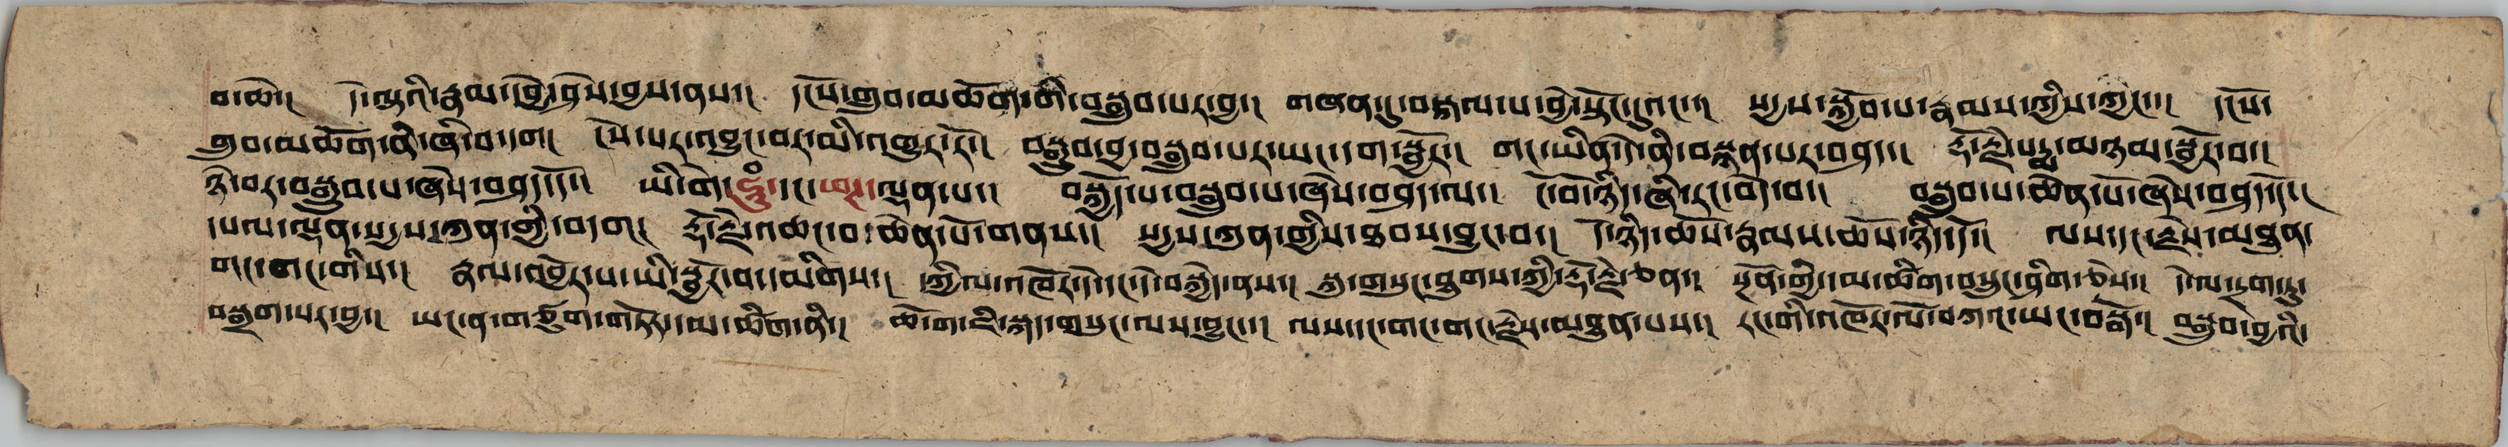བ་ཆེ་། དེ་ལྟའི་རྣལ་དབྱེ་ཤེས་བྱས་ནས་། དངོས་གྲུབ་མཆོག་གི་བསྒྲུབ་པར་བྱ་། གཞན་དུ་བསྐལ་པ་བྱེ་སྟོང་དུའང་་། སདྱས་སྐྱོབ་པ་རྣམས་ཀྱིས་ཀྱང་་། དངོས་
གྲུབ་མཆོག་ནི་ཞི་བ་དག། ངེས་པར་འབྱུང་བར་མི་འགྱུར་རོ་། བསྒྲུབ་བྱ་བསྒྲུབ་པར་ཡང་དག་སྦྱོར་། གང་ཡིན་དེ་ནི་བསྙན་པར་བཤད་། རྡོ་རྗེ་པདྨ་མཉམ་སྦྱོར་བ་།
ཉེ་བར་བསྒྲུབ་པ་ཞེས་བཤད་དོ་། ཡི་གེ་ཧཱུཾ་དང་ཕཊ་ལྡན་པ་། བསྐྱོད་པ་བསྒྲུབ་པ་ཞེས་བཤད་ལ་། ངོ་བོ་ཉིད་ཞི་རང་བདེ་བ་། བསྒྲུབ་པ་ཆེན་པོ་ཞེས་བཤད་དོ་།
དཔལ་ལྡན་སདྱས་ཀུན་གྱི་བདག། རྡོ་རྗེ་འཆང་བ་ཆེན་པོ་གནས་། སདྱས་ཀུན་གྱིས་ཐབས་བྱུང་བ་། དེ་ཉིད་ཆོས་རྣམས་ཆོས་ཉིད་དོ་། ལས་དང་རྗེས་མཐུན་
གང་གང་གིས་། རྣལ་འབྱོར་པ་ཡི་སྦྱོར་བ་དམིགས་། དཀྱིལ་འཁོར་དེ་དང་དེ་བསྐྱེད་ནས་། སྐུ་གསུང་ཐུགས་ཀྱི་རྡོ་རྗེ་ཅན་། སྔོན་གྱི་དམ་ཚིག་བསྲུང་ཤིག་ཅེས་། དེ་ལ་དྲག་ཏུ་
བསྒྲག་པར་བྱ་། ཡང་ན་གཙུག་གཏོར་དམ་ཚིག་ནི་། ཆོ་ག་ཇི་སྐད་གསུང་ལས་བྱུང་་། ལས་དང་གང་གང་རྗེས་མཐུན་པས་། རང་གི་འཁོར་ལོ་བཀའ་ཡང་བསྒོ་། བསྒྲུབ་བྱའི་